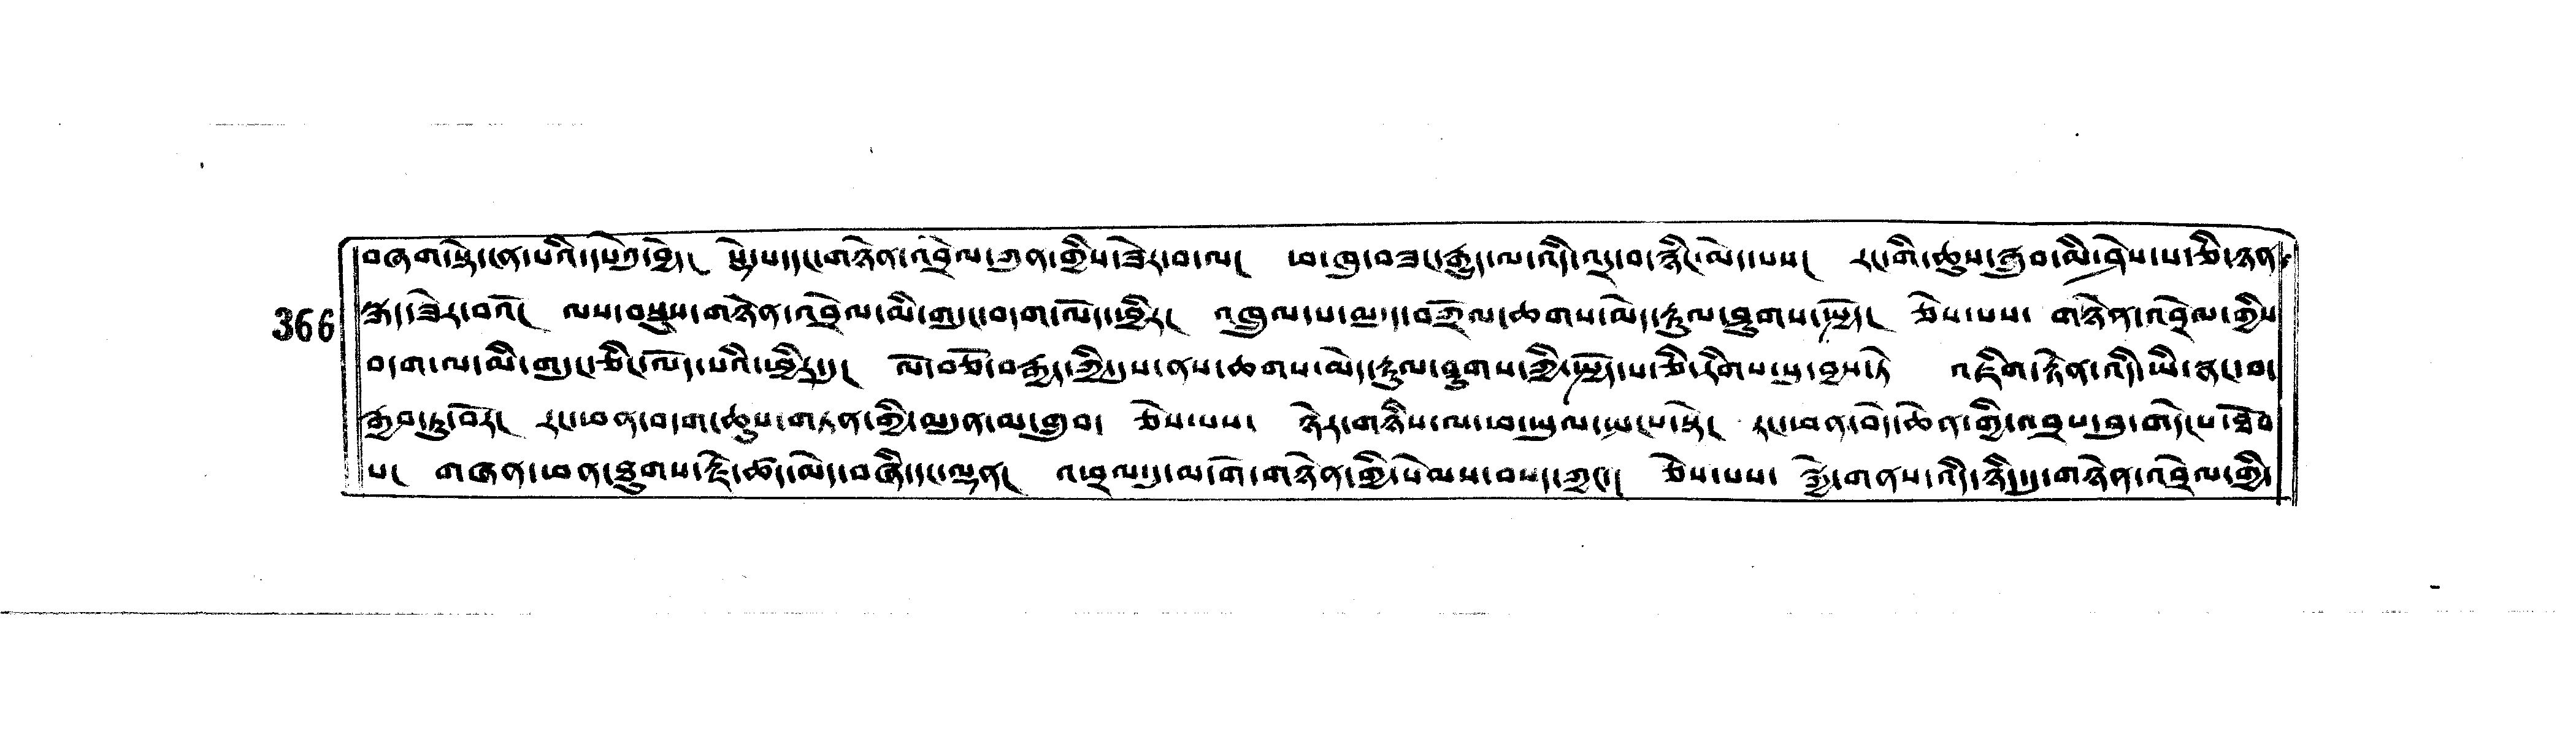བཞག་སྟེ་ངན་པའི་དཔེའུ་བྱེད། སྡེ་པ་དང་གཉེན་འབྲེལ་ཀུན་གྱིས་ཟེར་བ་ལ། ཕ་ཁུ་བཟང་རྒྱུད་ལ་འདི་འདྲ་བ་སྙིང་མེད་པས། རང་གི་ཆུས་བསྒྲུབ་མི་ཤེས་པ་ཅི་ཉན་
སྐད་ཟེར་བའོ། ལས་བསྡུས་གཉེན་འབྲེལ་མི་གདུང་བདག་ལོད་ཕྱིར། འཁྲུལ་པ་མདུད་བཀྲོལ་ཆགས་མེད་རྟུལ་ཞུགས་སྤྱོད། ཅེས་པས། གཉེན་འབྲེལ་གྱིས་
བདག་ལ་མི་གདུང་ཅིང་ལོད་པའི་ཕྱིར་དུ། ལོ་བཅོ་བརྒྱད་ཀྱི་དུས་ནས་ཆགས་མེད་རྟུལ་ཤུགས་ཀྱི་སྤྱོད་པ་ཅི་རིགས་སུ་བྱས་ཏེ། འཇིག་རྟེན་འདི་ཡི་སྣང་བ་
རྒྱབ་ཏུ་བོར། རང་ཕན་བདག་ཆུས་གཏན་གྱི་འདུན་མ་གྲུབ། ཅེས་པས། ཉེར་གཅིག་ལ་ཕ་ཡུལ་སྤངས་ཏེ། རང་ཕན་བདེ་ཆེན་གྱི་འབྲས་བུ་གདེངས་ཐོབ་
པ། གཞན་ཕན་ཐུགས་རྗེ་ཚད་མེད་བཞི་དང་ལྡན། འཕྲལ་དུ་མ་གོ་གཉེན་གྱི་སེམས་བསད་ཀྱང་། ཅེས་པས། སྐྱེ་གནས་འདི་ཉིད་དུ་གཉེན་འབྲེལ་གྱི་